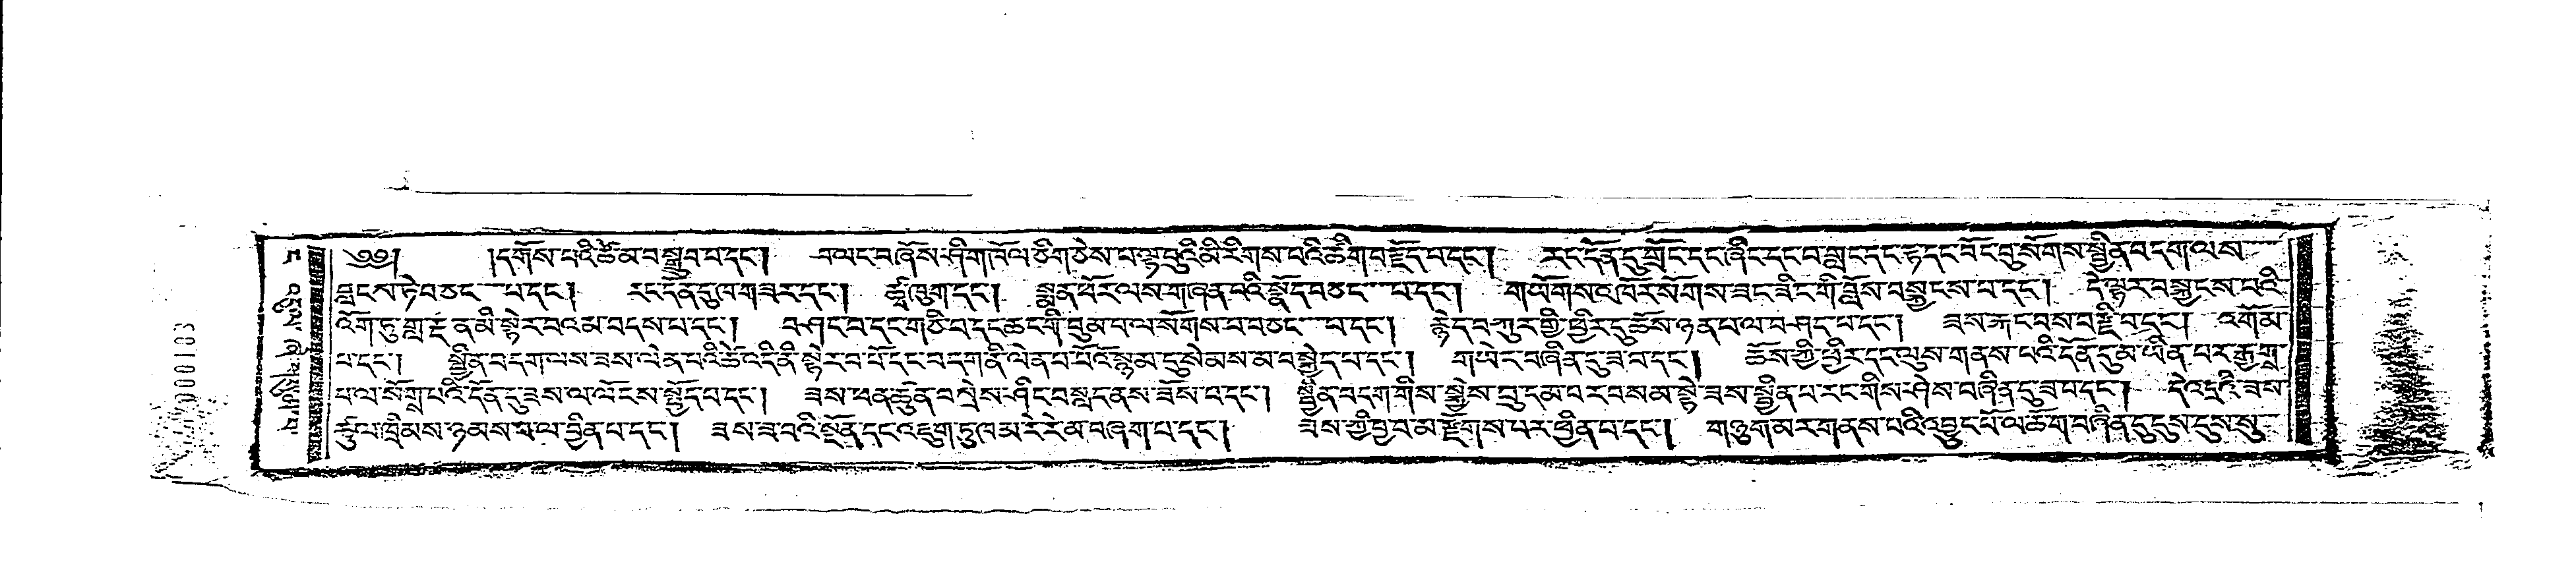༄༅། །དགོས་པའི་ཚེ་མ་བསྒྲུབ་པ་དང་། བ་ལང་བཞོས་ཤིག་ཁོལ་ཅིག་ཅེས་པ་ལྟ་བུའི་མི་རིགས་པའི་ཚིག་བརྗོད་པ་དང་། རང་དོན་དུ་གྲོང་དང་ཞིང་དང་བ་གླང་དང་རྟ་དང་བོང་བུ་སོགས་སྦྱིན་བདག་ལས་
བླངས་ཏེ་བཅང་པ་དང་། རང་དོན་དུ་ཁ་གཟར་དང་། ཚྭ་ཁུག་དང་། སྨན་ཕོར་ལས་གཞན་པའི་སྣོད་བཅང་པ་དང་། གཡོགས་འཁོར་སོགས་ཟང་ཟིང་གི་བློས་བསྐྱངས་པ་དང་། དེ་ལྟར་བསྐྱངས་པའི་
འོག་ཏུ་གླ་རྔན་མི་སྟེར་བའམ་བདས་པ་དང་། བཤང་བ་དང་གཅི་བ་དང་ཆང་གི་བུམ་པ་ལ་སོགས་པ་བཅང་བ་དང་། རྙེད་བཀུར་གྱི་ཕྱིར་དུ་ཆོས་ཉན་པ་ལ་བཤད་པ་དང་། ཟས་རྐང་བས་བརྫི་བ་དང་། འགོམ་
པ་དང་། སྦྱིན་བདག་ལས་ཟས་ལེན་པའི་ཚེ་འདི་ནི་སྟེར་བ་པོ་དང་བདག་ནི་ལེན་པ་པོའོ་སྙམ་དུ་སེམས་མ་བསྐྱེད་པ་དང་། གཡེང་བཞིན་དུ་ཟ་བ་དང་། ཆོས་ཀྱི་ཕྱིར་དང་ལུས་གནས་པའི་དོན་དུ་མ་ཡིན་པར་རྒྱགས་
པ་ལ་སོགས་པའི་དོན་དུ་ཟས་ལ་ལོངས་སྤྱོད་པ་དང་། ཟས་ཕན་ཚུན་བསྲེས་ཤིང་བསླང་ནས་ཟོས་པ་དང་། སྦྱིན་བདག་གིས་སྐྱེས་བུ་དམ་པར་བསམ་སྟེ་ཟས་སྦྱིན་པ་རང་གིས་ཤེས་བཞིན་དུ་ཟ་བ་དང་། དེ་འདྲའི་ཟས་
ཚུལ་ཁྲིམས་ཉམས་པ་ལ་བྱིན་པ་དང་། ཟས་ཟ་བའི་སྔོན་དང་འཇུག་ཏུ་ཁམ་རེ་རེ་མ་བཞག་པ་དང་། ཟས་ཀྱི་བྱ་བ་མ་རྫོགས་པར་ཕྱིན་པ་དང་། གཉུག་མར་གནས་པའི་འབྱུང་པོ་ལ་ཆོ་ག་བཞིན་དུ་དུས་དུས་སུ་